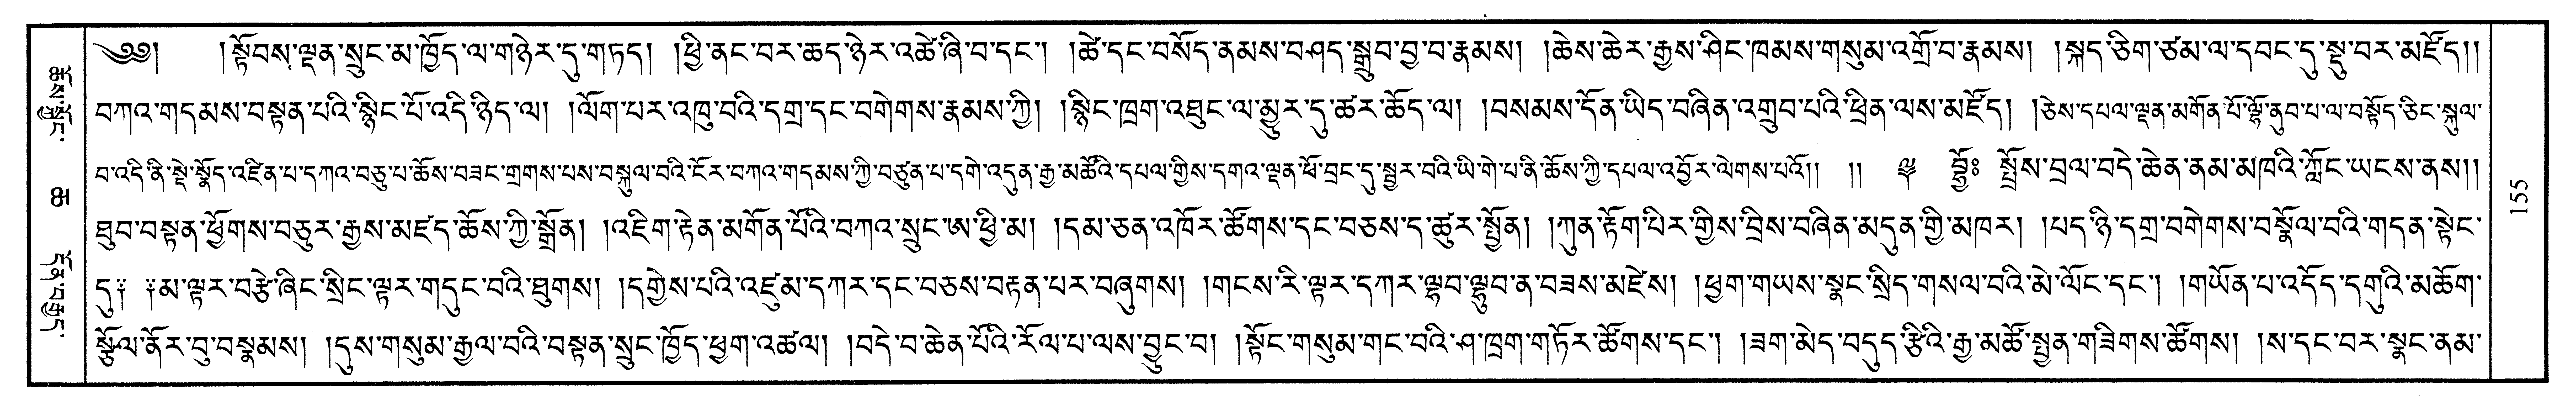༄༅། །སྟོབས་ལྡན་སྲུང་མ་ཁྱོད་ལ་གཉེར་དུ་གཏད། །ཕྱི་ནང་བར་ཆད་ཉེར་འཚེ་ཞི་བ་དང་། །ཚེ་དང་བསོད་ནམས་བཤད་སྒྲུབ་བྱ་བ་རྣམས། །ཆེས་ཆེར་རྒྱས་ཤིང་ཁམས་གསུམ་འགྲོ་བ་རྣམས། །སྐད་ཅིག་ཙམ་ལ་དབང་དུ་སྡུ་བར་མཛོད།།
བཀའ་གདམས་བསྟན་པའི་སྙིང་པོ་འདི་ཉིད་ལ། །ལོག་པར་འཁུ་བའི་དགྲ་དང་བགེགས་རྣམས་ཀྱི། །སྙིང་ཁྲག་འཐུང་ལ་མྱུར་དུ་ཚར་ཆོད་ལ། །བསམས་དོན་ཡིད་བཞིན་འགྲུབ་པའི་ཕྲིན་ལས་མཛོད། །ཅེས་དཔལ་ལྡན་མགོན་པོ་ལྷོ་ནུབ་པ་ལ་བསྟོད་ཅིང་སྐུལ་
བ་འདི་ནི་སྡེ་སྣོད་འཛིན་པ་དཀའ་བཅུ་པ་ཆོས་བཟང་གྲགས་པས་བསྐུལ་བའི་ངོར་བཀའ་གདམས་ཀྱི་བཙུན་པ་དགེ་འདུན་རྒྱ་མཚོའི་དཔལ་གྱིས་དགའ་ལྡན་ཕོ་བྲང་དུ་སྦྱར་བའི་ཡི་གེ་པ་ནི་ཆོས་ཀྱི་དཔལ་འབྱོར་ལེགས་པའོ།། །། ༈ བྷྱོཿ སྤྲོས་བྲལ་བདེ་ཆེན་ནམ་མཁའི་ཀློང་ཡངས་ནས།།
ཐུབ་བསྟན་ཕྱོགས་བཅུར་རྒྱས་མཛད་ཆོས་ཀྱི་སྒྲོན། །འཇིག་རྟེན་མགོན་པོའི་བཀའ་སྲུང་ཨ་ཕྱི་མ། །དམ་ཅན་འཁོར་ཚོགས་དང་བཅས་ད་ཚུར་སྤྱོན། །ཀུན་རྟོག་པིར་གྱིས་བྲིས་བཞིན་མདུན་གྱི་མཁར། །པད་ཉི་དགྲ་བགེགས་བསྣོལ་བའི་གདན་སྟེང་
དུ༑ ༑མ་ལྟར་བརྩེ་ཞིང་སྲིང་ལྟར་གདུང་བའི་ཐུགས། །དགྱེས་པའི་འཛུམ་དཀར་དང་བཅས་བརྟན་པར་བཞུགས། །གངས་རི་ལྟར་དཀར་ལྷབ་ལྷུབ་ན་བཟས་མཛེས། །ཕྱག་གཡས་སྣང་སྲིད་གསལ་བའི་མེ་ལོང་དང་། །གཡོན་པ་འདོད་དགུའི་མཆོག་
སྩོལ་ནོར་བུ་བསྣམས། །དུས་གསུམ་རྒྱལ་བའི་བསྟན་སྲུང་ཁྱོད་ཕྱག་འཚལ། །བདེ་བ་ཆེན་པོའི་རོལ་པ་ལས་བྱུང་བ། །སྟོང་གསུམ་གང་བའི་ཤ་ཁྲག་གཏོར་ཚོགས་དང་། །ཟག་མེད་བདུད་རྩིའི་རྒྱ་མཚོ་སྤྱན་གཟིགས་ཚོགས། །ས་དང་བར་སྣང་ནམ་